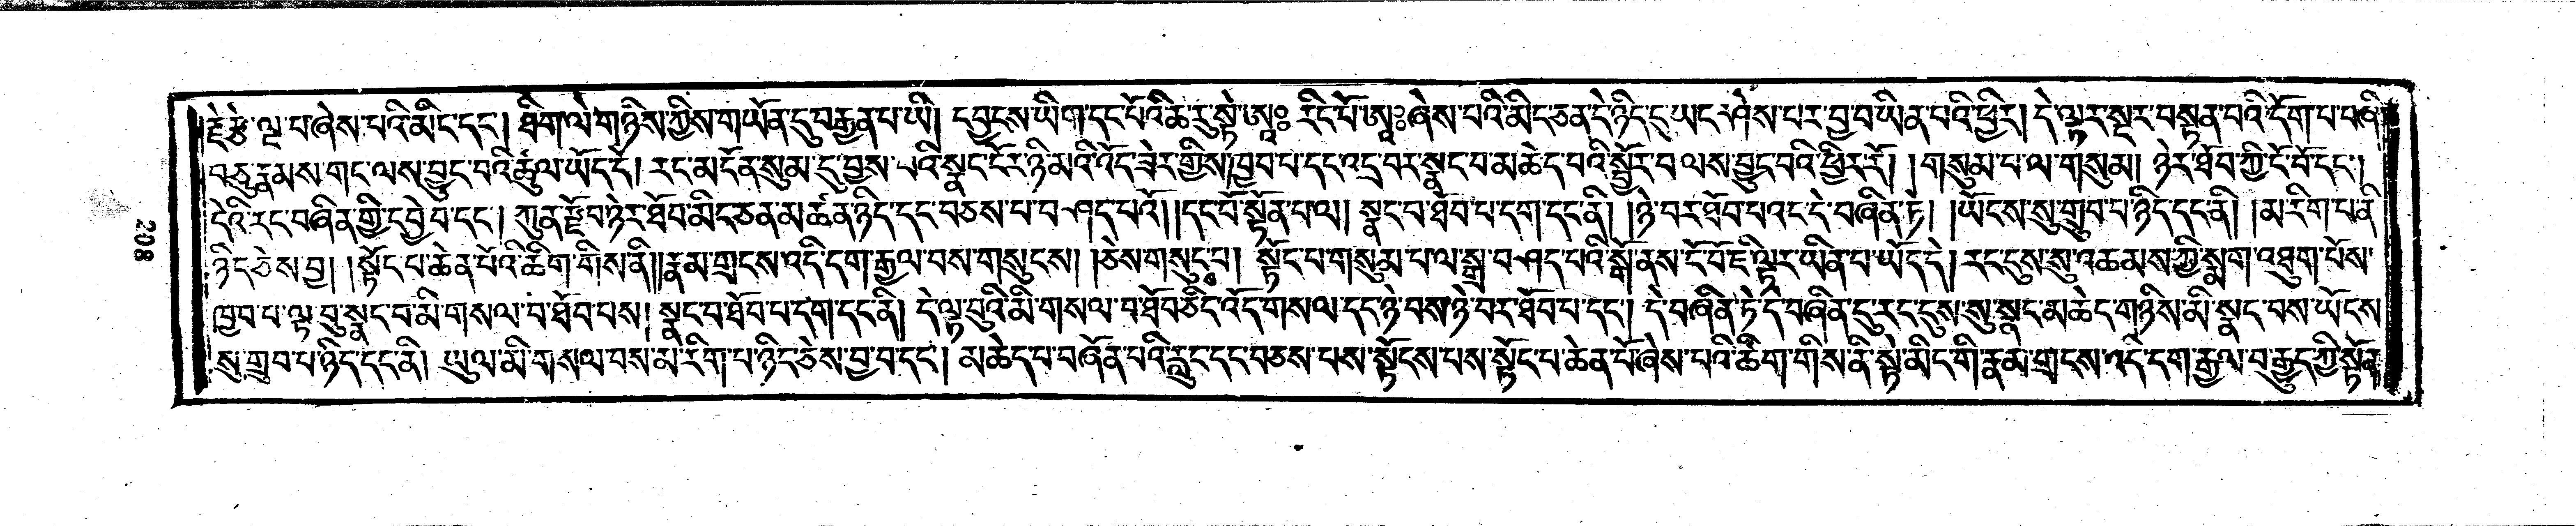རྗེ་རྩེ་ལྔ་པ་ཞེས་པའི་མིང་དང་། ཐིག་ལེ་གཉིས་ཀྱིས་གཡོན་དུ་བརྒྱན་པ་ཡི། དབྱངས་ཡིག་དང་པོའི་ཆ་རུ་སྟེ་ཨཱཿ རིང་པོ་ཨཱཿ ཞེས་པའི་མིང་ཅན་དེ་ཉིད་དུ་ཡང་ཤེས་པར་བྱ་བ་ཡིན་པའི་ཕྱིར། དེ་ལྟར་སྔར་བསྟན་པའི་དོག་པ་བཞི་
བཅུ་རྣམས་གང་ལས་བྱུང་བའི་ཚུལ་ཡོད་དེ། རང་མངོན་སུམ་དུ་བྱས་པའི་སྣང་ངོར་ཉི་མའི་འོད་ཟེར་གྱིས་ཁྱབ་པ་དང་འདྲ་བར་སྣང་བ་མཆེད་པའི་སྦྱོར་བ་ལས་བྱུང་བའི་ཕྱིར་རོ། །གསུམ་པ་ལ་གསུམ། ཉེར་ཐོབ་ཀྱི་ངོ་བོ་དང་།
དེའི་རང་བཞིན་གྱི་དབྱེ་བ་དང་། ཀུན་རྫོབ་ཉེར་ཐོབ་མིང་ཅན་མཚན་ཉིད་དད་བཅས་པ་བཤད་པའོ། །དང་པོ་སྟོན་པ་ལ། སྣང་བ་ཐོབ་པ་དག་དང་ནི། །ཉེ་བར་ཐོབ་པའང་དེ་བཞིན་ཏེ། །ཡོངས་སུ་གྲུབ་པ་ཉིད་དང་ནི། །མ་རིག་པ་ནི་
ཉིད་ཅེས་བྱ། །སྟོང་པ་ཆེན་པོའི་ཚིག་གིས་ནི། །རྣམ་གྲངས་འདི་དག་རྒྱལ་བས་གསུངས། །ཅེས་གསུང་པ། སྟོང་པ་གསུམ་པ་ལ་སྒྲ་བཤད་པའི་སྒོ་ནས་ངོ་བོ་ཇི་ལྟར་ཡིན་པ་ཡོད་དེ། རང་དུས་སུ་འཚམས་ཀྱི་སྨག་འཐུག་པོས་
ཁྱབ་པ་ལྟ་བུ་སྣང་བ་མི་གསལ་བ་ཐོབ་པས། སྣང་བ་ཐོབ་པ་དག་དང་ནི། དེ་ལྟ་བུའི་མི་གསལ་བ་ཐོབ་ཅིང་འོད་གསལ་དང་ཉེ་བས་ཉེ་བར་ཐོབ་པ་དང་། དེ་བཞིན་ཏེ་དེ་བཞིན་དུ་རང་དུས་སུ་སྣང་མཆེད་གཉིས་མི་སྣང་བས་ཡོངས་
སུ་གྲུབ་པ་ཉིད་དང་ནི། ཡུལ་མི་གསལ་བས་མ་རིག་པ་ཉིད་ཅེས་བྱ་བ་དང་། མཆེད་པ་བཞོན་པའི་རླུང་དང་བཅས་པས་སྟོངས་པས་སྟོང་པ་ཆེན་པོ་ཞེས་པའི་ཚིག་གིས་ནི་སྟེ་མིང་གི་རྣམ་གྲངས་འདི་དག་རྒྱལ་བ་རྒྱུད་ཀྱི་སྟོན་